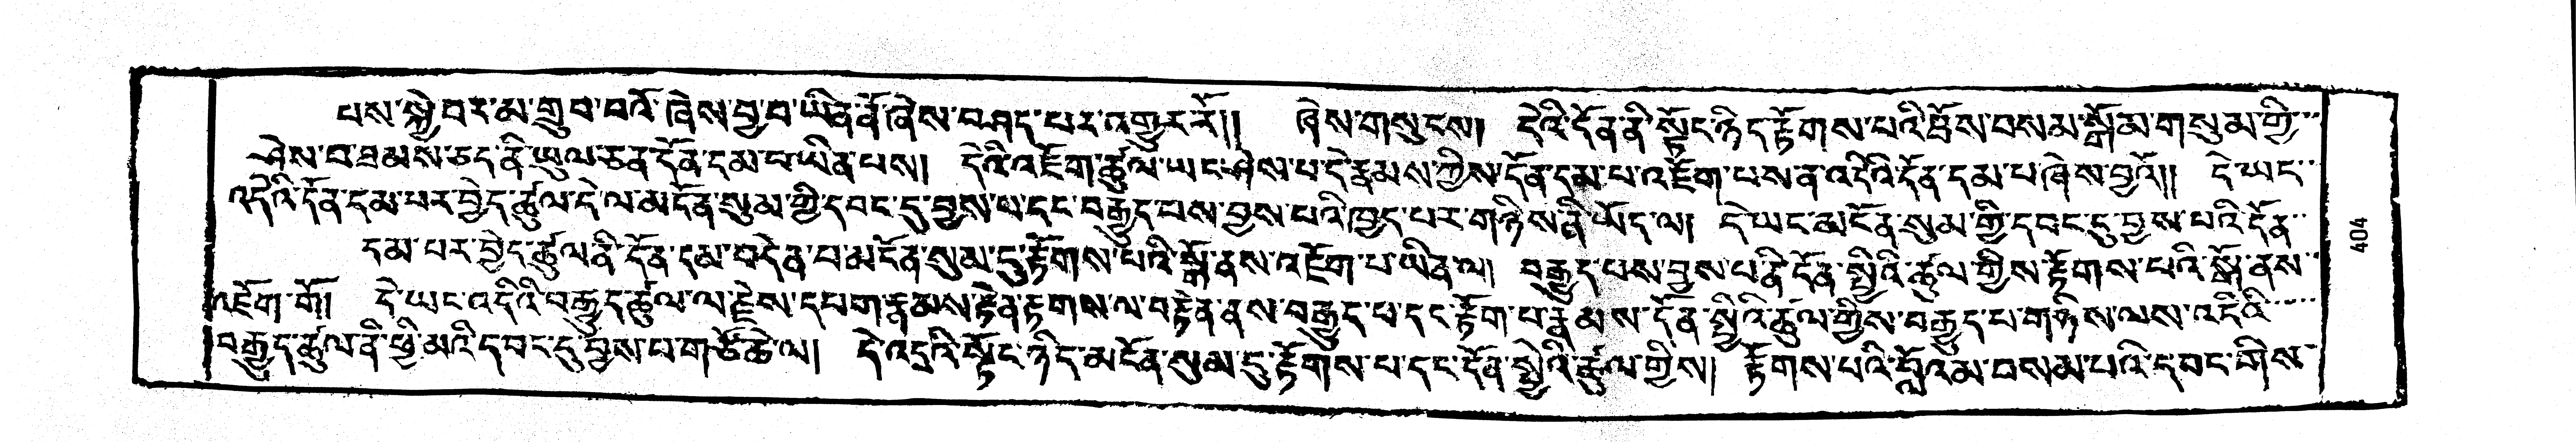པས་སྐྱེ་བར་མ་གྲུབ་པའོ་ཞེས་བྱ་བ་ཡིན་ནོ་ཞེས་བཤད་པར་འགྱུར་རོ། །ཞེས་གསུངས། དེའི་དོན་ནི་སྟོང་ཉིད་རྟོགས་པའི་ཐོས་བསམ་སྒོམ་གསུམ་གྱི་
ཤེས་པ་ཐམས་ཅད་ནི་ཡུལ་ཅན་དོན་དམ་པ་ཡིན་པས། དེའི་འཇོག་ཚུལ་ཡང་ཤེས་པ་དེ་རྣམས་ཀྱིས་དོན་དམ་པ་འཇོག་པས་ན་འདིའི་དོན་དམ་པ་ཞེས་བྱའོ། །དེ་ཡང་
འདིའི་དོན་དམ་པར་བྱེད་ཚུལ་དེ་ལ་མངོན་སུམ་གྱི་དབང་དུ་བྱས་པ་དང་བརྒྱུད་པས་བྱས་པའི་ཁྱད་པར་གཉིས་ནི་ཡོད་ལ། དེ་ཡང་མངོན་སུམ་གྱི་དབང་དུ་བྱས་པའི་དོན་
དམ་པར་བྱེད་ཚུལ་ནི་དོན་དམ་བདེན་པ་མངོན་སུམ་དུ་རྟོགས་པའི་སྒོ་ནས་འཇོག་པ་ཡིན་ལ། བརྒྱུད་པས་བྱས་པ་ནི་དོན་སྤྱིའི་ཚུལ་གྱིས་རྟོགས་པའི་སྒོ་ནས་
འཇོག་གོ། དེ་ཡང་འདིའི་བརྒྱུད་ཚུལ་ལ་རྗེས་དཔག་རྣམས་རྟེན་རྟགས་ལ་བརྟེན་ནས་བརྒྱུད་པ་དང་རྟོག་པ་རྣམས་དོན་སྤྱིའི་ཚུལ་གྱིས་བརྒྱུད་པ་གཉིས་ལས་འདིའི་
བརྒྱུད་ཚུལ་ནི་ཕྱི་མའི་དབང་དུ་བྱས་པ་གཙོ་ཆེ་ལ། དེ་འདྲའི་སྟོང་ཉིད་མངོན་སུམ་དུ་རྟོགས་པ་དང་དོན་སྤྱིའི་ཚུལ་གྱིས། རྟོགས་པའི་བློའམ་བསམ་པའི་དབང་གིས་